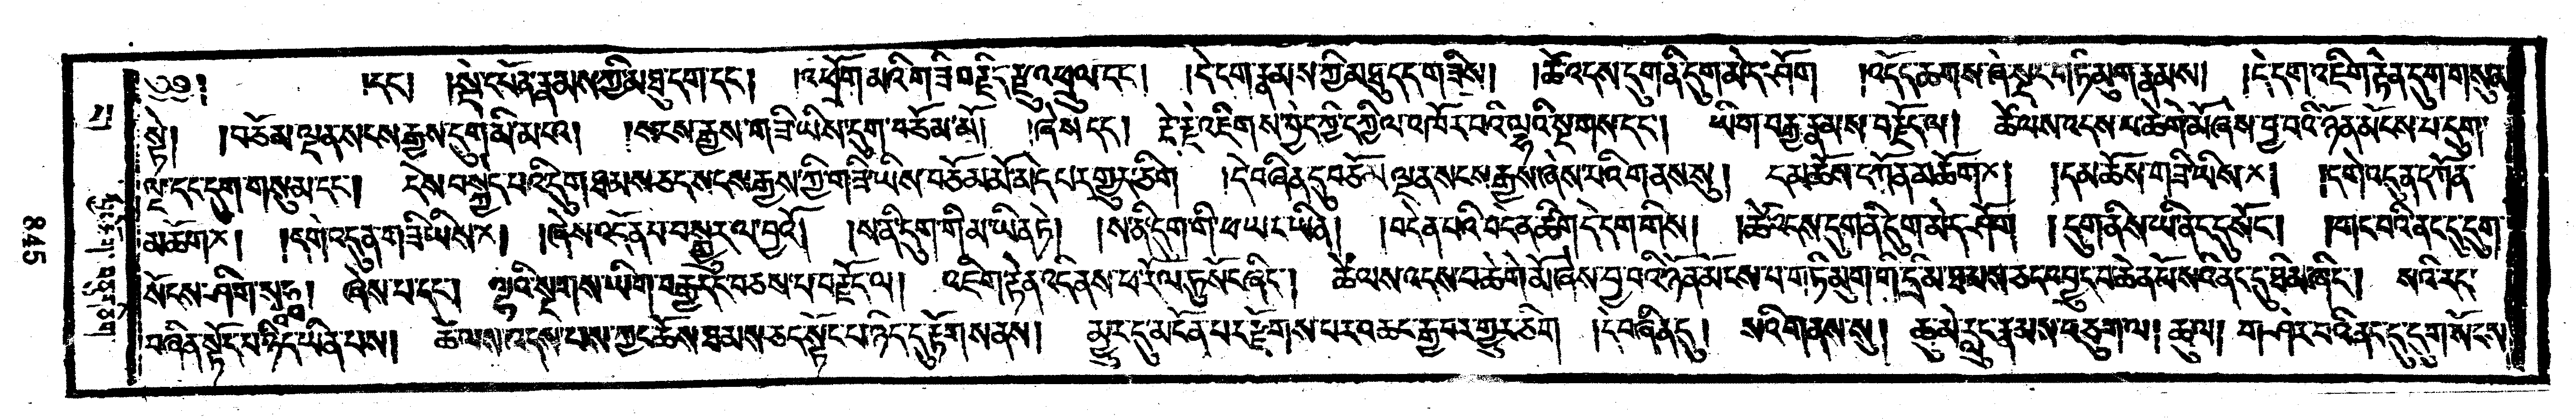༄༅། །དང་། སྡེ་དཔོན་རྣམས་ཀྱི་མཐུ་དག་དང་། །འཕྲོག་མའི་གཟི་བརྗིད་རྫུ་འཕྲུལ་དང་། །དེ་དག་རྣམས་ཀྱི་མཐུ་དང་གཟིས། །ཚེ་འདས་དུག་ནི་དུག་མེད་ཤོག །འདོད་ཆགས་ཞེ་སྔར་གཏི་མུག་རྣམས། །དེ་དག་འཇིག་རྟེན་དུག་གསུམ་
སྟེ། །བཅོམ་ལྡན་སངས་རྒྱས་དུག་མི་མངའ། །སངས་རྒྱས་གཟི་ཡིས་དྲུག་བཅོམ་མོ། །ཞེས་དང་། རྡོ་རྗེ་འཇིགས་བྱེད་ཀྱི་དཀྱིལ་འཁོར་བའི་ལྷའི་སྔགས་དང་། ཡིག་བརྒྱ་རྣམས་བརྗོད་ལ། ཚེ་ལས་འདས་པ་ཆེ་གེ་མོ་ཞེས་བྱ་བའི་ཉོན་མོངས་པ་དུག་
ལྔ་དང་དུག་གསུམ་དང་། ངེས་བསྐྱེད་པའི་དུག་ཐམས་ཅད་སངས་རྒྱས་ཀྱི་གཟི་ཡིས་བཅོམ་མོ་མེད་པར་གྱུར་ཅིག །དེ་བཞིན་དུ་བཅོམ་ལྡན་སངས་རྒྱས་ཞེས་པའི་གནས་སུ། དམ་ཆོས་དཀོན་མཆོག་྾། དམ་ཆོས་གཟི་ཡིས་྾། །དགེ་འདུན་དཀོན་
མཆོག་྾། །དགེ་འདུན་གཟི་ཡིས་྾། །ཞེས་འདོན་པ་བསྒྱུར་ལ་བྱའོ། །ས་ནི་དུག་གི་མ་ཡིན་ཏེ། །ས་ནི་དུག་གི་ཕ་ཡང་ཡིན། །བདེན་པའི་བདེན་ཚིག་དེ་དག་གིས། །ཚེ་འདས་དུག་ནི་དུག་མེད་ཤོག །དུག་ནིས་ཡི་ནང་དུ་སོང་། །གང་བའི་ནང་དུ་དུག་
སོངས་ཤིག་སྭཱཧཱ། ཞེས་པ་དང་། ལྷའི་སྔགས་ཡིག་བརྒྱ་དང་བཅས་པ་བརྗོད་ལ། འཇིག་རྟེན་འདིས་ན་ཕ་རོལ་ཏུ་སོང་ཞིང་། །ཚེ་ལས་འདས་པ་ཆེ་གེ་མོ་ཞེས་བྱ་བའི་ཉོན་མོངས་པ་གཏི་མུག་གི་དྲི་མ་ཐམས་ཅད་འབྱུང་བ་ཆེན་པོ་སའི་ནང་དུ་ཐིམ་ཞིང་། སའི་རང་
བཞིན་སྟོང་པ་ཉིད་ཡིན་པས། ཆོ་ལས་འདས་པས་ཀྱང་ཆོས་ཐམས་ཅད་སྟོང་པ་ཉིད་དུ་རྟོགས་ནས། མྱུར་དུ་མངོན་པར་རྫོགས་པར་འཆང་རྒྱ་བར་གྱུར་ཅིག །དེ་བཞིན་དུ། སའི་གནས་སུ། ཆུ་མེ་རླུང་རྣམས་བཅུག་ལ། ཆུ་ལ། གཤེར་བའི་ནང་དུ་དུག་སོངས་